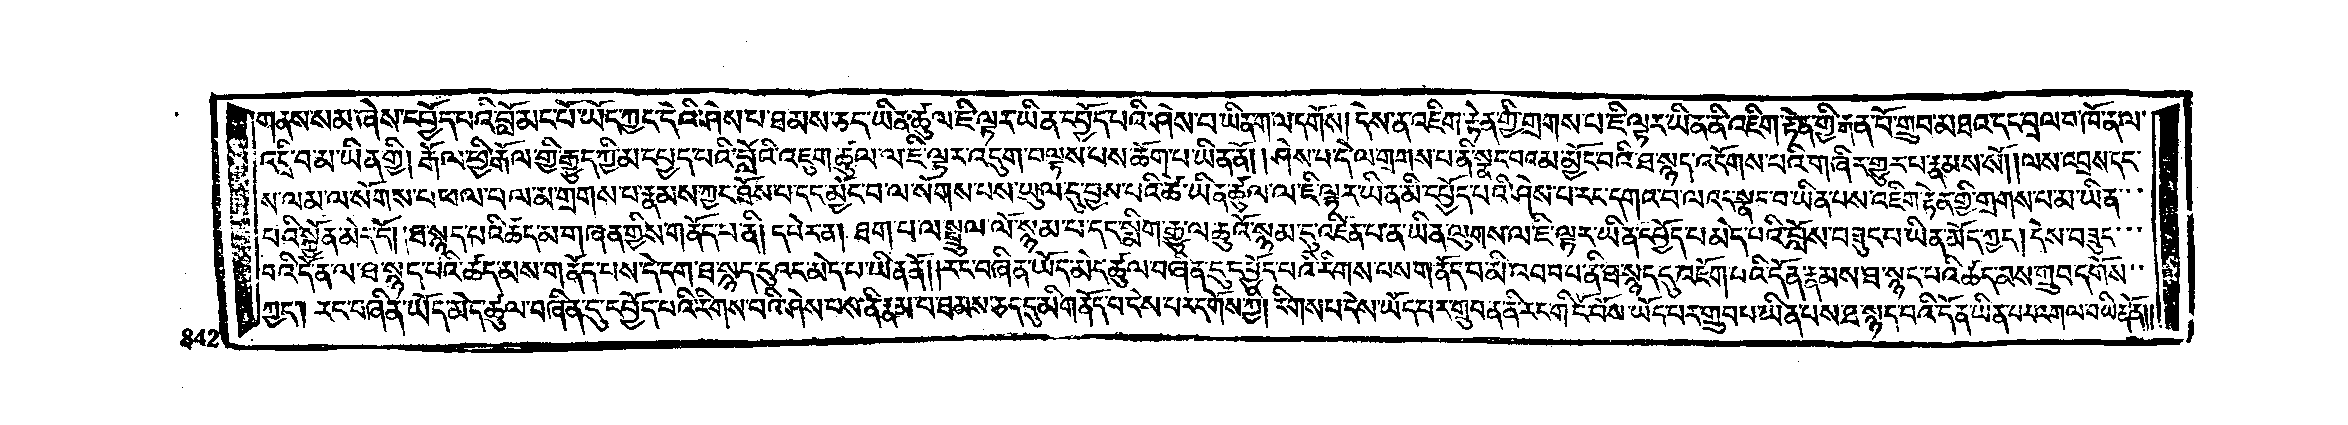གནས་སམ་ཞེས་དཔྱོད་པའི་བློ་མང་པོ་ཡོད་ཀྱང་དེའི་ཤེས་པ་ཐམས་ཅད་ཡིན་ཚུལ་ཇི་ལྟར་ཡིན་དཔྱོད་པའི་ཤེས་པ་ཡིན་ག་ལ་དགོས། དེས་ན་འཇིག་རྟེན་གྱི་གྲགས་པ་ཇི་ལྟར་ཡིན་ནི་འཇིག་རྟེན་གྱི་རྒན་པོ་གྲུབ་མཐའ་དང་བྲལ་བ་ཁོ་ན་ལ་
འདྲི་བ་མ་ཡིན་གྱི། རྒོལ་ཕྱི་རྒོལ་གྱི་རྒྱུད་ཀྱི་མ་དཔྱད་པའི་བློའི་འཇུག་ཚུལ་ལ་ཇི་ལྟར་འདུག་བལྟས་པས་ཆོག་པ་ཡིན་ནོ། །ཤེས་པ་དེ་ལ་གྲགས་པ་ནི་སྣང་བའམ་མྱོང་བའི་ཐ་སྙད་འདོགས་པའི་གཞིར་གྱུར་པ་རྣམས་སོ། །ལས་འབྲས་དང་
ས་ལམ་ལ་སོགས་པ་ཕལ་པ་ལམ་གྲགས་པ་རྣམས་ཀྱང་ཐོས་པ་དང་མྱོང་བ་ལ་སོགས་པས་ཡུལ་དུ་བྱས་པའི་ཚེ་ཡིན་ཚུལ་ལ་ཇི་ལྟར་ཡིན་མི་དཔྱོད་པའི་ཤེས་པ་རང་དགའ་བ་ལའང་སྣང་བ་ཡིན་པས་འཇིག་རྟེན་གྱི་གྲགས་པ་མ་ཡིན་
པའི་སྐྱོན་མེད་དོ། །ཐ་སྙད་པའི་ཚད་མ་གཞན་གྱིས་གནོད་པ་ནི། དཔེར་ན། ཐག་པ་ལ་སྦྲུལ་ལོ་སྙམ་པ་དང་སྨིག་རྒྱུ་ལ་ཆུའོ་སྙམ་དུ་འཛིན་པ་ན་ཡིན་ལུགས་ལ་ཇི་ལྟར་ཡིན་དཔྱོད་པ་མེད་པའི་བློས་བཟུང་བ་ཡིན་མོད་ཀྱང་། དེས་བཟུང་
བའི་དོན་ལ་ཐ་སྙད་པའི་ཚད་མས་གནོད་པས་དེ་དག་ཐ་སྙད་དུའང་མེད་པ་ཡིན་ནོ། །རང་བཞིན་ཡོད་མེད་ཚུལ་བཞིན་དུ་དཔྱོད་པའི་རིགས་པས་གནོད་པ་མི་འབབ་པ་མི་ཐ་སྙད་དུ་འཇོག་པའི་དོན་རྣམས་ཐ་སྙད་པའི་ཚད་མས་གྲུབ་དགོས་
ཀྱང༑ རང་བཞིན་ཡོད་མེད་ཚུལ་བཞིན་དུ་དཔྱོད་པའི་རིགས་པའི་ཤེས་པས་ནི་རྣམ་པ་ཐམས་ཅད་དུ་མི་གནོད་པ་ངེས་པར་དགོས་ཀྱི། རིགས་པ་དེས་ཡོད་པར་གྲུབ་ན་ནི་རང་གི་ངོ་བོས་ཡོད་པར་གྲུབ་པ་ཡིན་པས་ཐ་སྙད་པའི་དོན་ཡིན་པར་འགལ་བ་ཡིན་ནོ།།